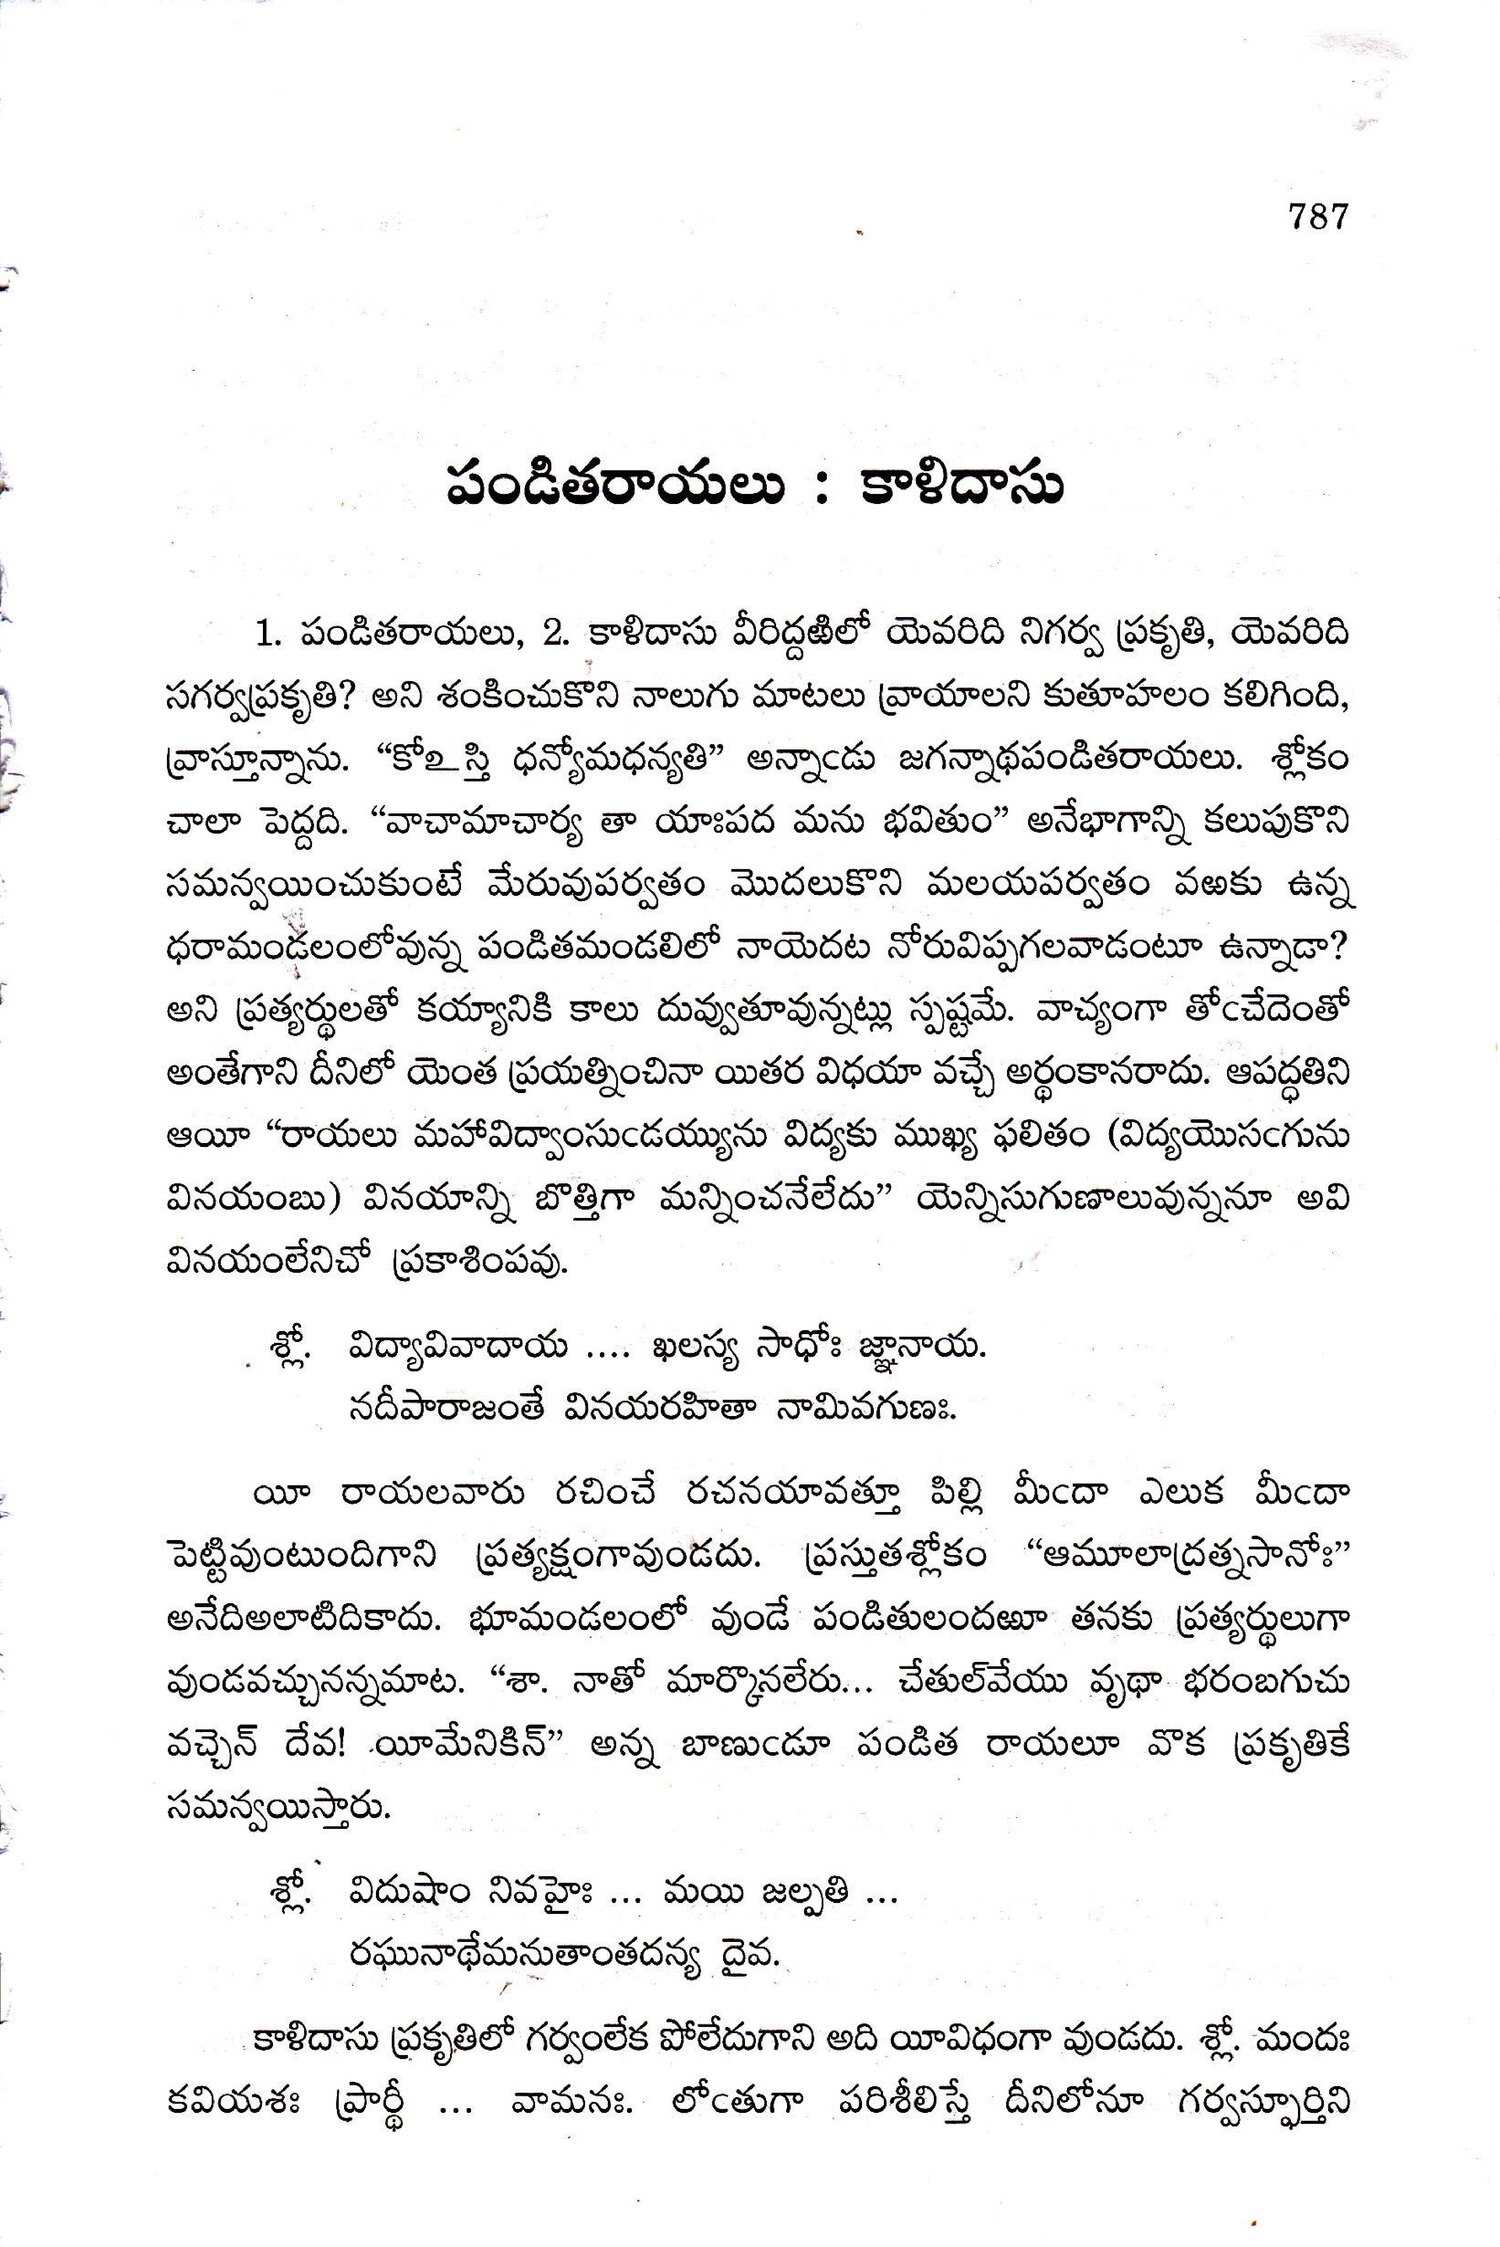పండితరాయలు : కాళిదాసు

1. పండితరాయలు, 2. కాళిదాసు వీరిద్దఱిలో యెవరిది నిగర్వ ప్రకృతి, యెవరిది సగర్వప్రకృతి? అని శంకించుకొని నాలుగు మాటలు వ్రాయాలని కుతూహలం కలిగింది, వ్రాస్తూన్నాను. "కో౽స్తి ధన్యోమధన్యతి" అన్నాఁడు జగన్నాథపండితరాయలు. శ్లోకం చాలా పెద్దది. "వాచామాచార్య తా యాఃపద మను భవితుం" అనేభాగాన్ని కలుపుకొని సమన్వయించుకుంటే మేరువుపర్వతం మొదలుకొని మలయపర్వతం వఱకు ఉన్న ధరామండలంలోవున్న పండితమండలిలో నాయెదట నోరువిప్పగలవాడంటూ ఉన్నాడా? అని ప్రత్యర్థులతో కయ్యానికి కాలు దువ్వుతూవున్నట్లు స్పష్టమే. వాచ్యంగా తోఁచేదెంతో అంతేగాని దీనిలో యెంత ప్రయత్నించినా యితర విధయా వచ్చే అర్థంకానరాదు. ఆపద్ధతిని ఆయీ “రాయలు మహావిద్వాంసుఁడయ్యును విద్యకు ముఖ్య ఫలితం (విద్యయొసఁగును వినయంబు) వినయాన్ని బొత్తిగా మన్నించనేలేదు” యెన్నిసుగుణాలువున్ననూ అవి వినయంలేనిచో ప్రకాశింపవు. 

శ్లో. విద్యావివాదాయ .... ఖలస్య సాధోః జ్ఞానాయ.
 నదీపారాజంతే వినయరహితా నామివగుణః.
యీ రాయలవారు రచించే రచనయావత్తూ పిల్లి మీఁదా ఎలుక మీఁదా పెట్టివుంటుందిగాని ప్రత్యక్షంగావుండదు. ప్రస్తుతశ్లోకం “ఆమూలాద్రత్నసానోః" అనేదిఅలాటిదికాదు. భూమండలంలో వుండే పండితులందఱూ తనకు ప్రత్యర్థులుగా వుండవచ్చునన్నమాట. “శా. నాతో మార్కొనలేరు... చేతుల్‌వేయు వృథా భరంబగుచు వచ్చెన్ దేవ! యీమేనికిన్" అన్న బాణుఁడూ పండిత రాయలూ వొక ప్రకృతికే సమన్వయిస్తారు.

శ్లో. విదుషాం నివహైః ... మయి జల్పతి ...
 రఘునాథేమనుతాంతదన్య దైవ.
కాళిదాసు ప్రకృతిలో గర్వంలేక పోలేదుగాని అది యీవిధంగా వుండదు. శ్లో మందః కవియశః ప్రార్థీ ... వామనః, లోఁతుగా పరిశీలిస్తే దీనిలోనూ గర్వస్ఫూర్తిని